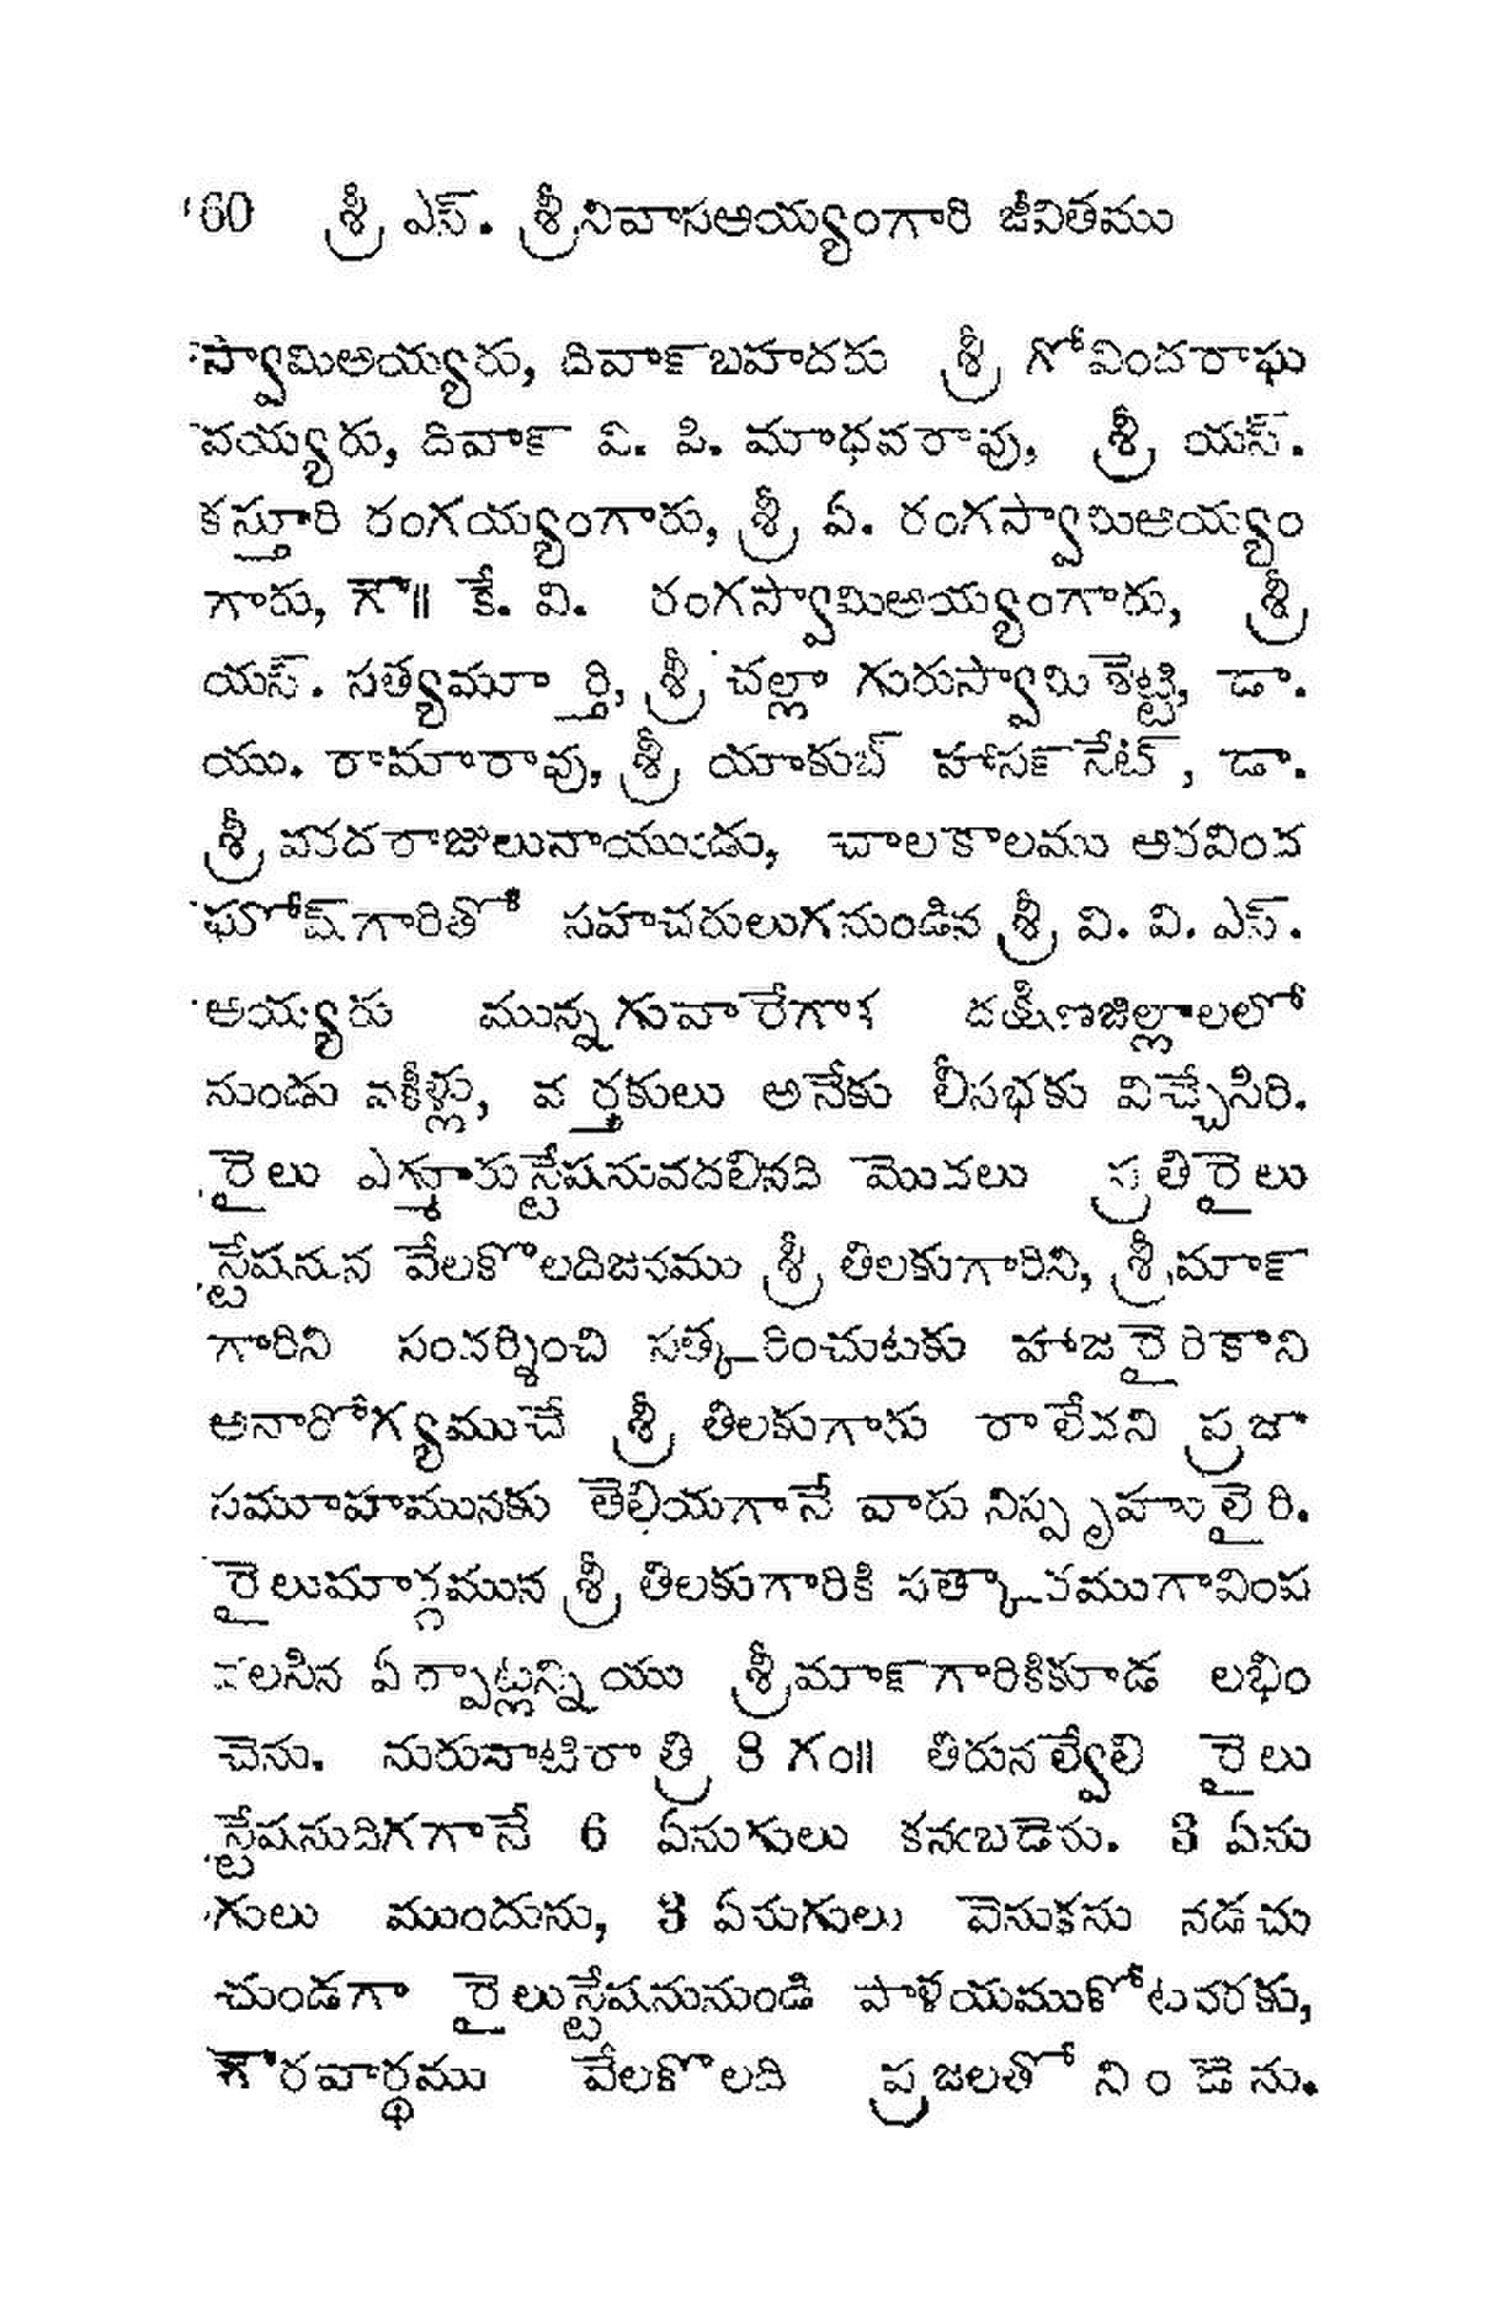స్వామిఅయ్యరు, దివా౯బహదరు శ్రీ గోవిందరాఘవయ్యరు, దివా౯ వి. పి. మాధవరావు, శ్రీ యస్ . కస్తూరి రంగయ్యంగారు, శ్రీ ఏ. రంగస్వామిఅయ్యంగారు, గౌ|| కే. వి. రంగస్వామిఅయ్యంగారు, శ్రీ యస్. సత్యమూర్తి, శ్రీ చల్లా గురుస్వామిశెట్టి, డా. యు. రామారావు, శ్రీ యాకుబ్ హాస౯సేట్, డా. శ్రీ వరదరాజులునాయుడు, చాలకాలము అరవింద ఘోష్‌గారితో సహచరులుగ నుండిన శ్రీ వి. వి. ఎస్. అయ్యరు మున్నగువారేగాక దక్షిణజిల్లాలలో నుండు వకీళ్లు, వర్తకులు అనేకు లీసభకు విచ్చేసిరి.
రైలు ఎగ్మూరు స్టేషనువదలినది మొదలు ప్రతిరైలు స్టేషనున వేలకొలదిజనము శ్రీ తిలకుగారిని, శ్రీమా౯గారిని సందర్శించి సత్కరించుటకు హాజరైరికాని అనారోగ్యముచే శ్రీ తిలకుగారు రాలేదని ప్రజా సమూహమునకు తెలియగానే వారు నిస్పృహులైరి.
రైలుమార్గమున శ్రీ తిలకుగారికి సత్కారముగావింప వలసిన ఏర్పాట్లన్నియు శ్రీమా౯గారికికూడ లభించెను. మరునాటి రాత్రి 8 గం|| తిరునల్వేలి రైలుస్టేషను దిగగానే 6 ఏనుగులు కనఁబడెను. 3 ఏనుగులు ముందును, 3 ఏనుగులు వెనుకను నడచుచుండగా రైలుస్టేషనునుండి పాళయముకోటవరకు, గౌరవార్థము వేలకొలది. ప్రజలతో నిండెను.